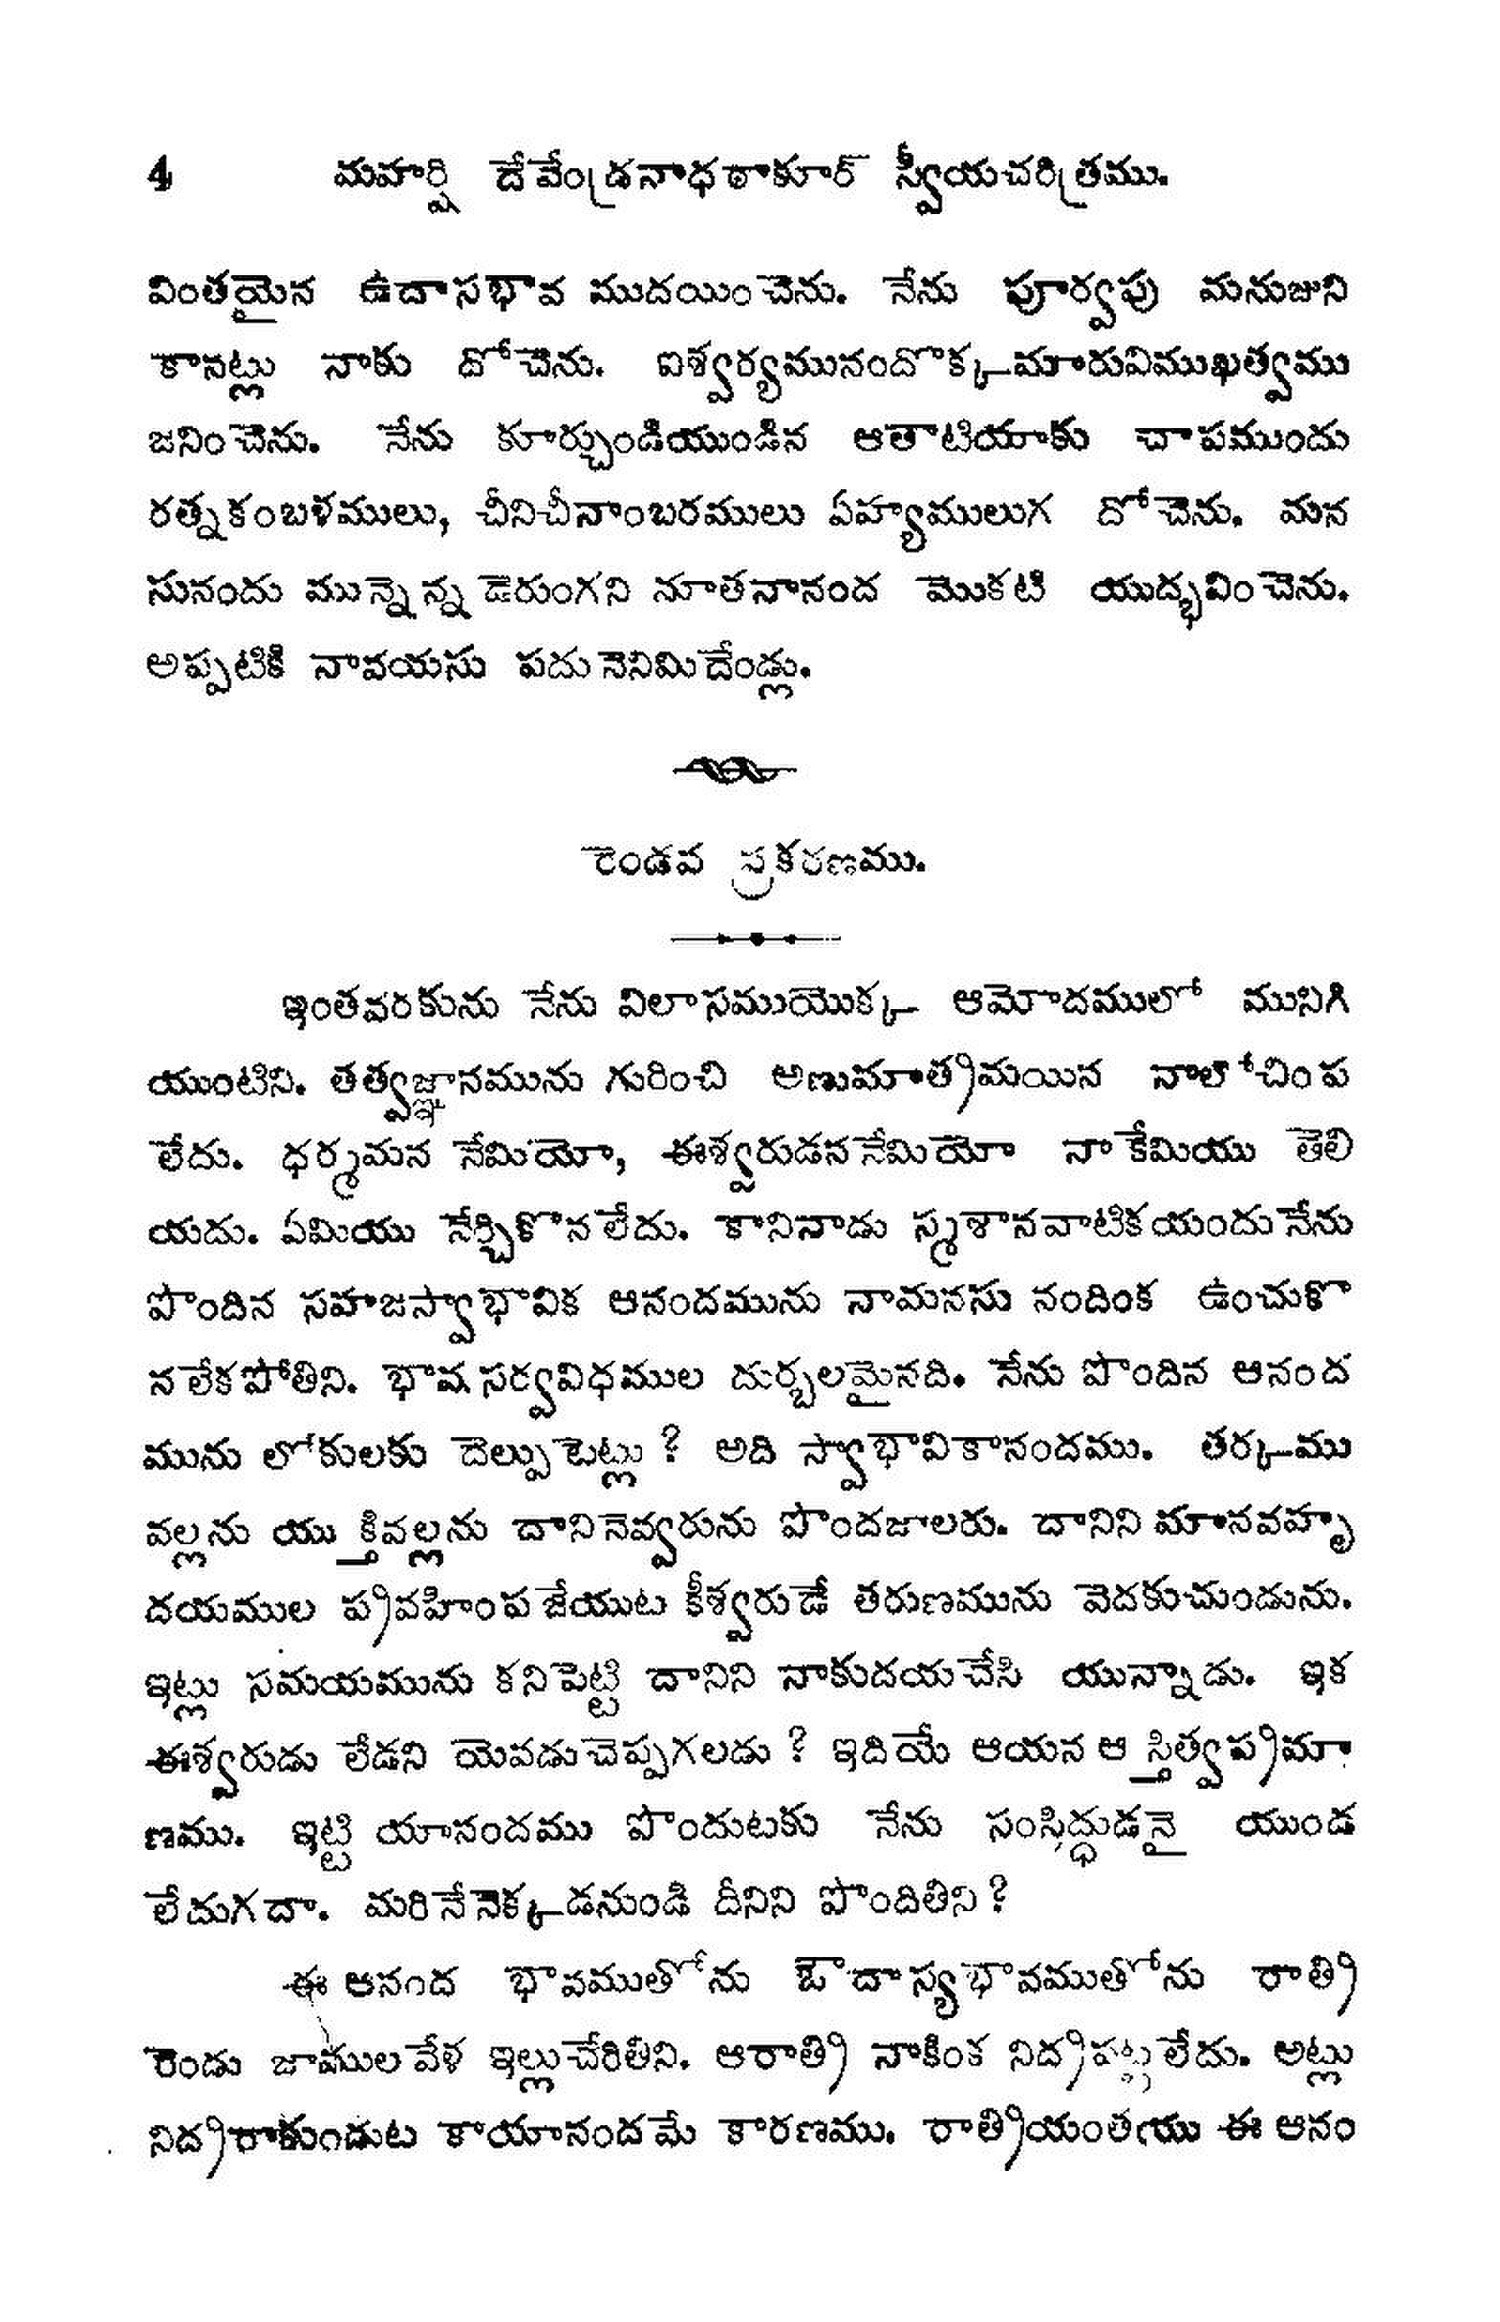వింతయైన ఉదాసభావ ముదయించెను. నేను పూర్వపు మనుజుని కానట్లు నాకు దోచెను. ఐశ్వర్యమునందొక్కమారువిముఖత్వము జనించెను. నేను కూర్చుండియుండిన ఆతాటియాకు చాపముందు రత్నకంబళములు, చీని చీనాంబరములు ఏహ్యములుగ దోచెను, మనసునందు మున్నెన్న డెరుంగని నూతనానంద మొకటి యుద్భవించెను. అప్పటికి నావయసు పదునెనిమిదేండ్లు.

రెండవ ప్రకరణము.
ఇంతవరకును నేను విలాసము యొక్క ఆమోదములో మునిగి యుంటిని. తత్వజ్ఞానమును గురించి అణుమాత్రమయిన నాలోచింపలేదు. ధర్శమన నేమియో, ఈశ్వరుడన నేమియో నా కేమియు తెలియదు. ఏమియు నేర్చికొనలేదు. కానినాడు స్మశానవాటిక యందు నేను పొందిన సహజస్వాభావిక ఆనందమును నామనసునందింక ఉంచుకొనలేకపోతిని. భాష సర్వవిధముల దుర్బలమైనది. నేను పొందిన ఆనందమును లోకులకు దెల్పుటెట్లు? అది స్వాభావికానందము. తర్కము వల్లను యుక్తి వల్లను దాని నెవ్వరును పొందజాలరు. దానిని మానవహృదయముల ప్రవహింప జేయుట కీశ్వరుడే తరుణమును వెదకుచుండును. ఇట్లు సమయమును కనిపెట్టి దానిని నాకుదయచేసి యున్నాడు. ఇక ఈశ్వరుడు లేడని యెవడు చెప్పగలడు? ఇదియే ఆయన ఆస్తిత్వ ప్రమాణము. ఇట్టి యానందము పొందుటకు నేను సంసిద్ధుడనై యుండలేదుగదా. మరి నేనెక్కడనుండి దీనిని పొందితిని?

ఈ ఆనంద భావముతోను ఔదాస్య భావముతోను రాత్రి రెండు జాముల వేళ ఇల్లు చేరితిని. ఆరాత్రి నాకింక నిద్రదపట్ట లేదు. అట్లు, నిద్రరాకుండుట కాయానందమే కారణము. రాత్రియంతయు ఈ ఆనం